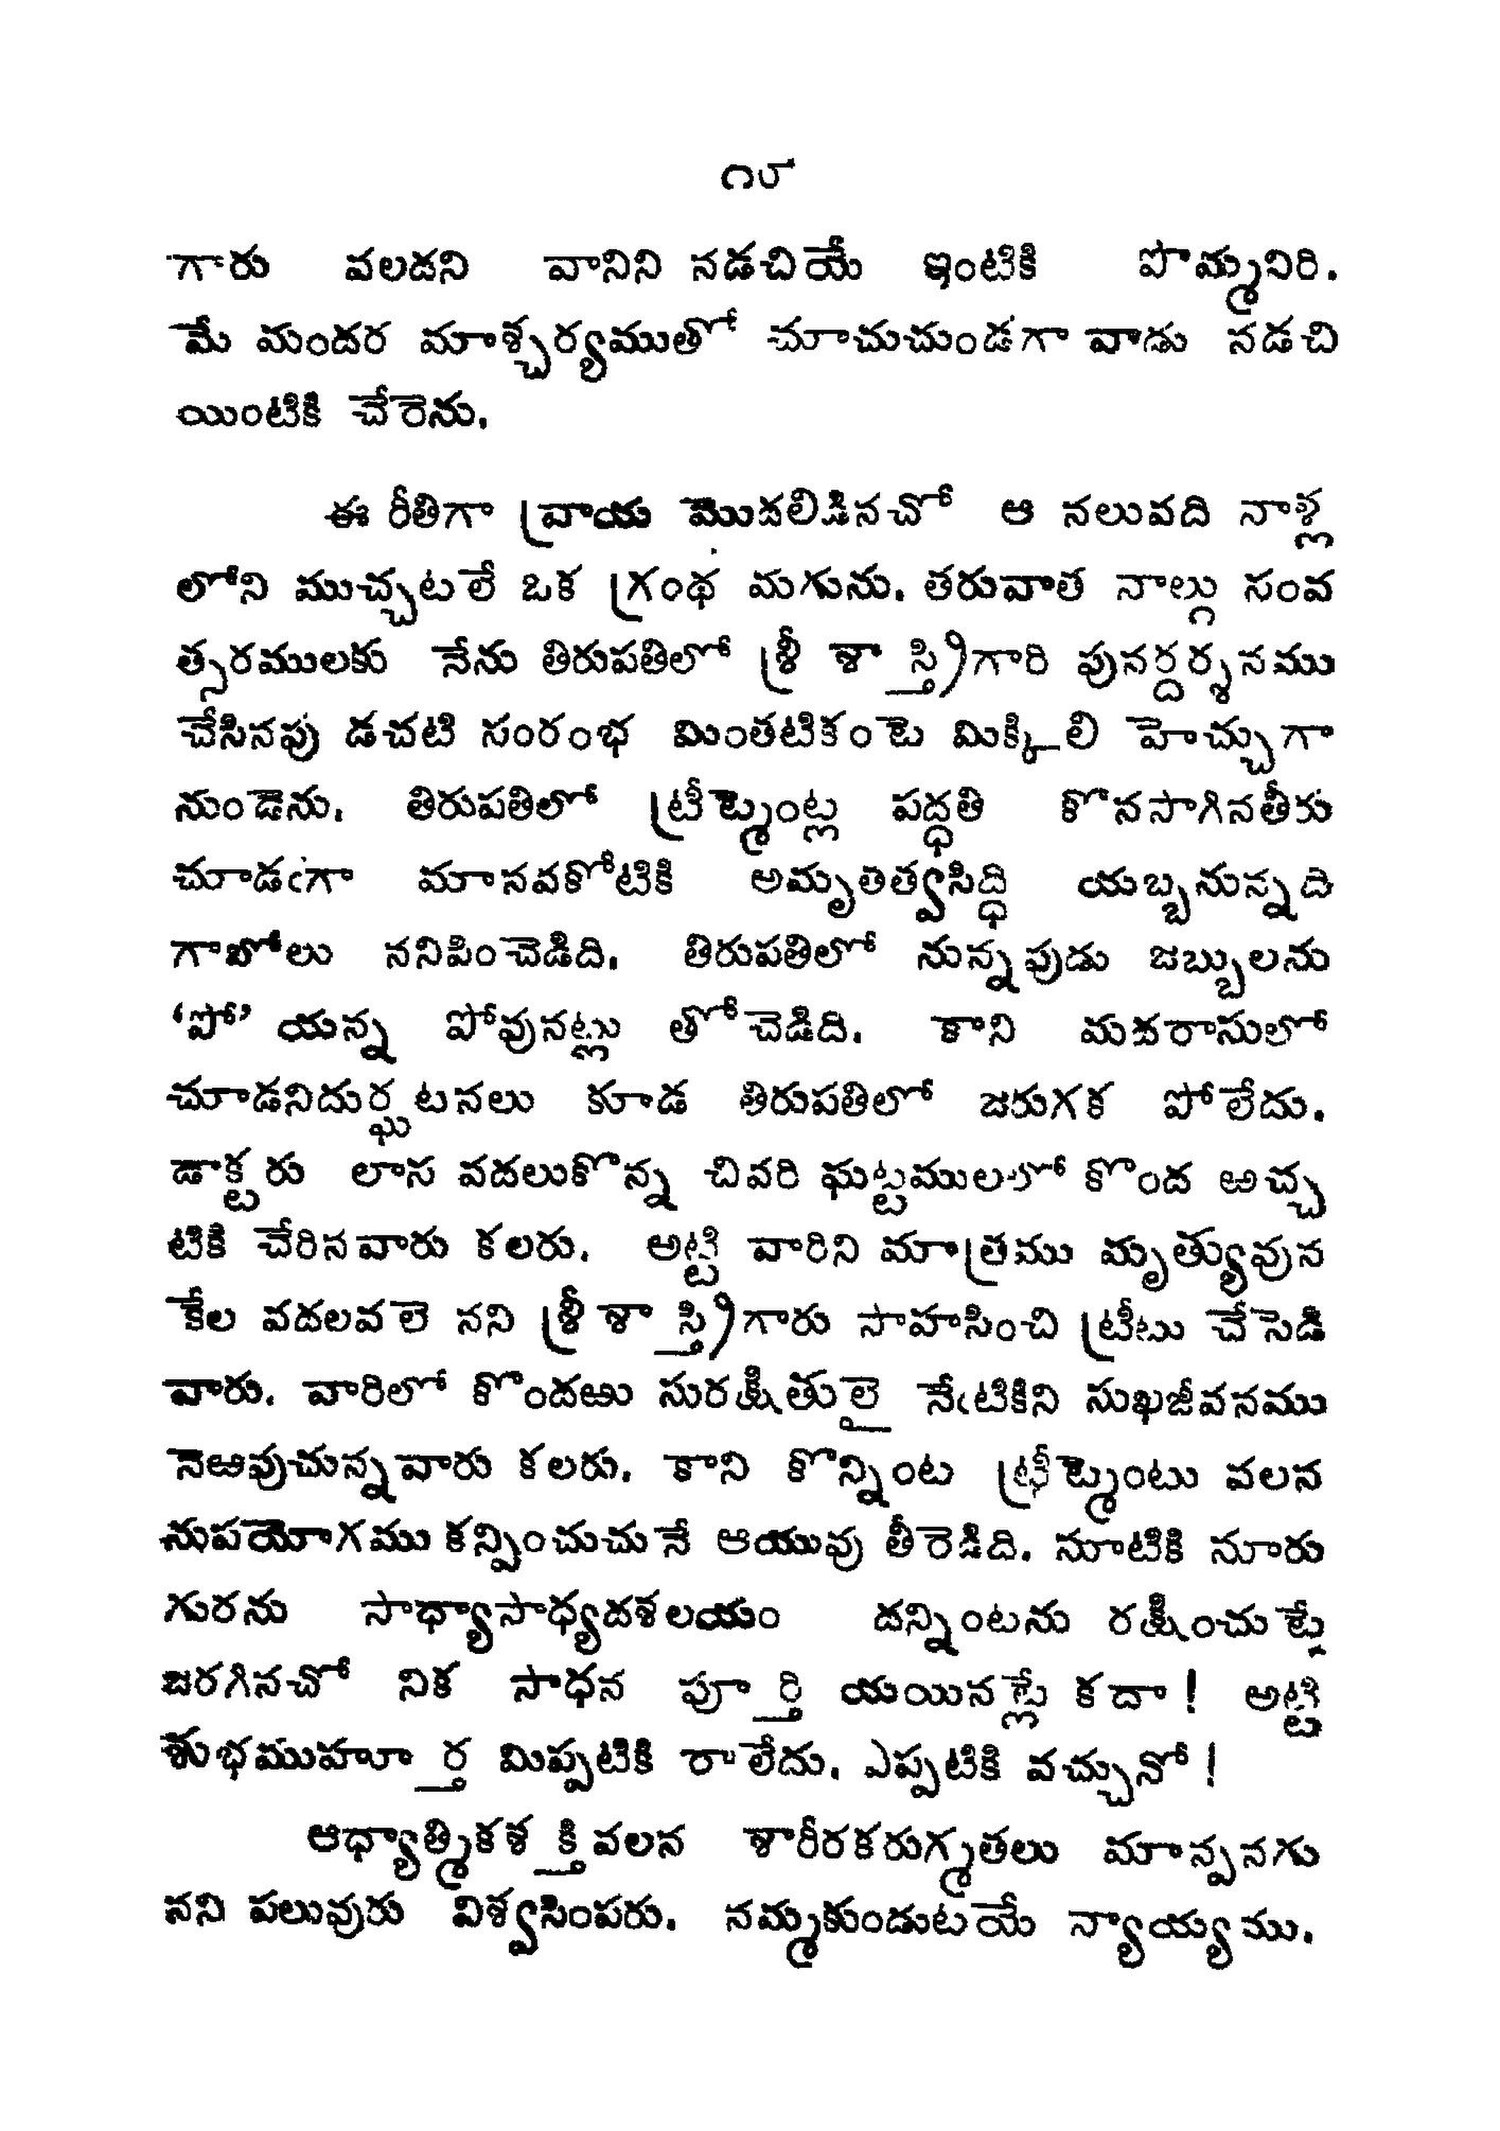గారు వదలని వానిని నడచియే ఇంటికి పోమ్మనిరి. మే మందర మాశ్చర్యముతో చూచుచుండగా వాడు నడచి యింటికి చేరెను. 
 
ఈరీతిగా వ్రాయ మొదలిడినచో ఆ నలువది నాళ్లలోని ముచ్చటలే ఒక గ్రంధమగును. తరువాత నాల్గు సంవత్సర ములకు నేను తిరుపతిలో శ్రీ శాస్త్రిగారి పునర్ధర్సనము చేసినపు డచటి సంరంభ మింతిటికంటె మిక్కిలి హెచ్చుగా నుండెను. తిరుపతిలో ట్రీట్మేంట్ల పద్ధతి కొనసాగినతీరు చూడఁగా మానవకోటికి అమృతత్వసిద్ధి యబ్బనున్నది గాబోలు ననిపించెడిది. తిరుపతిలో నున్నపుడు జబ్బులను 'పో' యన్న పోవునట్లు తోచెడిది. కాని మదరాసులో చూడనిదుర్ఘటనలు కూడ తిరుపతిలో జరుగక పోలేదు. డాక్టరు లాస వదులుకొన్న చివరి ఘట్టములో కొంద ఱచ్చటికి చేరిన వారు కలరు. అట్టి వారిని మాత్రము మృత్యువున కేల వదలవలెనని శ్రీ శాస్త్రిగారు సాహసించి ట్రీటు చేసెడి వారు. వారిలో కొందఱు సురక్షితులై నేఁ టికిని సుఖజీవనము నెఱపుచున్న వారు కలరు. కాని కొన్నింట ట్రీట్మేంటు వలన నుపయోగము కన్పించుచు నే ఆయువు తిరెడిది. నూటికి నూరుగురను సాధ్యాసాధ్యాదశలయం దన్నింటను రక్షించుటే జరిగినచో నిక సాధన పూర్తి యయినట్లే కదా! అట్టి శుభముహుర్త మిప్పటికి రాలేదు. ఎప్పటికి వచ్చునో!

ఆధ్యాత్మిక శక్తి వలన శారిరకరుగ్మతలు మాన్పనగు నని పలువురు విశ్వసింపరు. నమ్మకుండుటయే న్యాయ్యము.